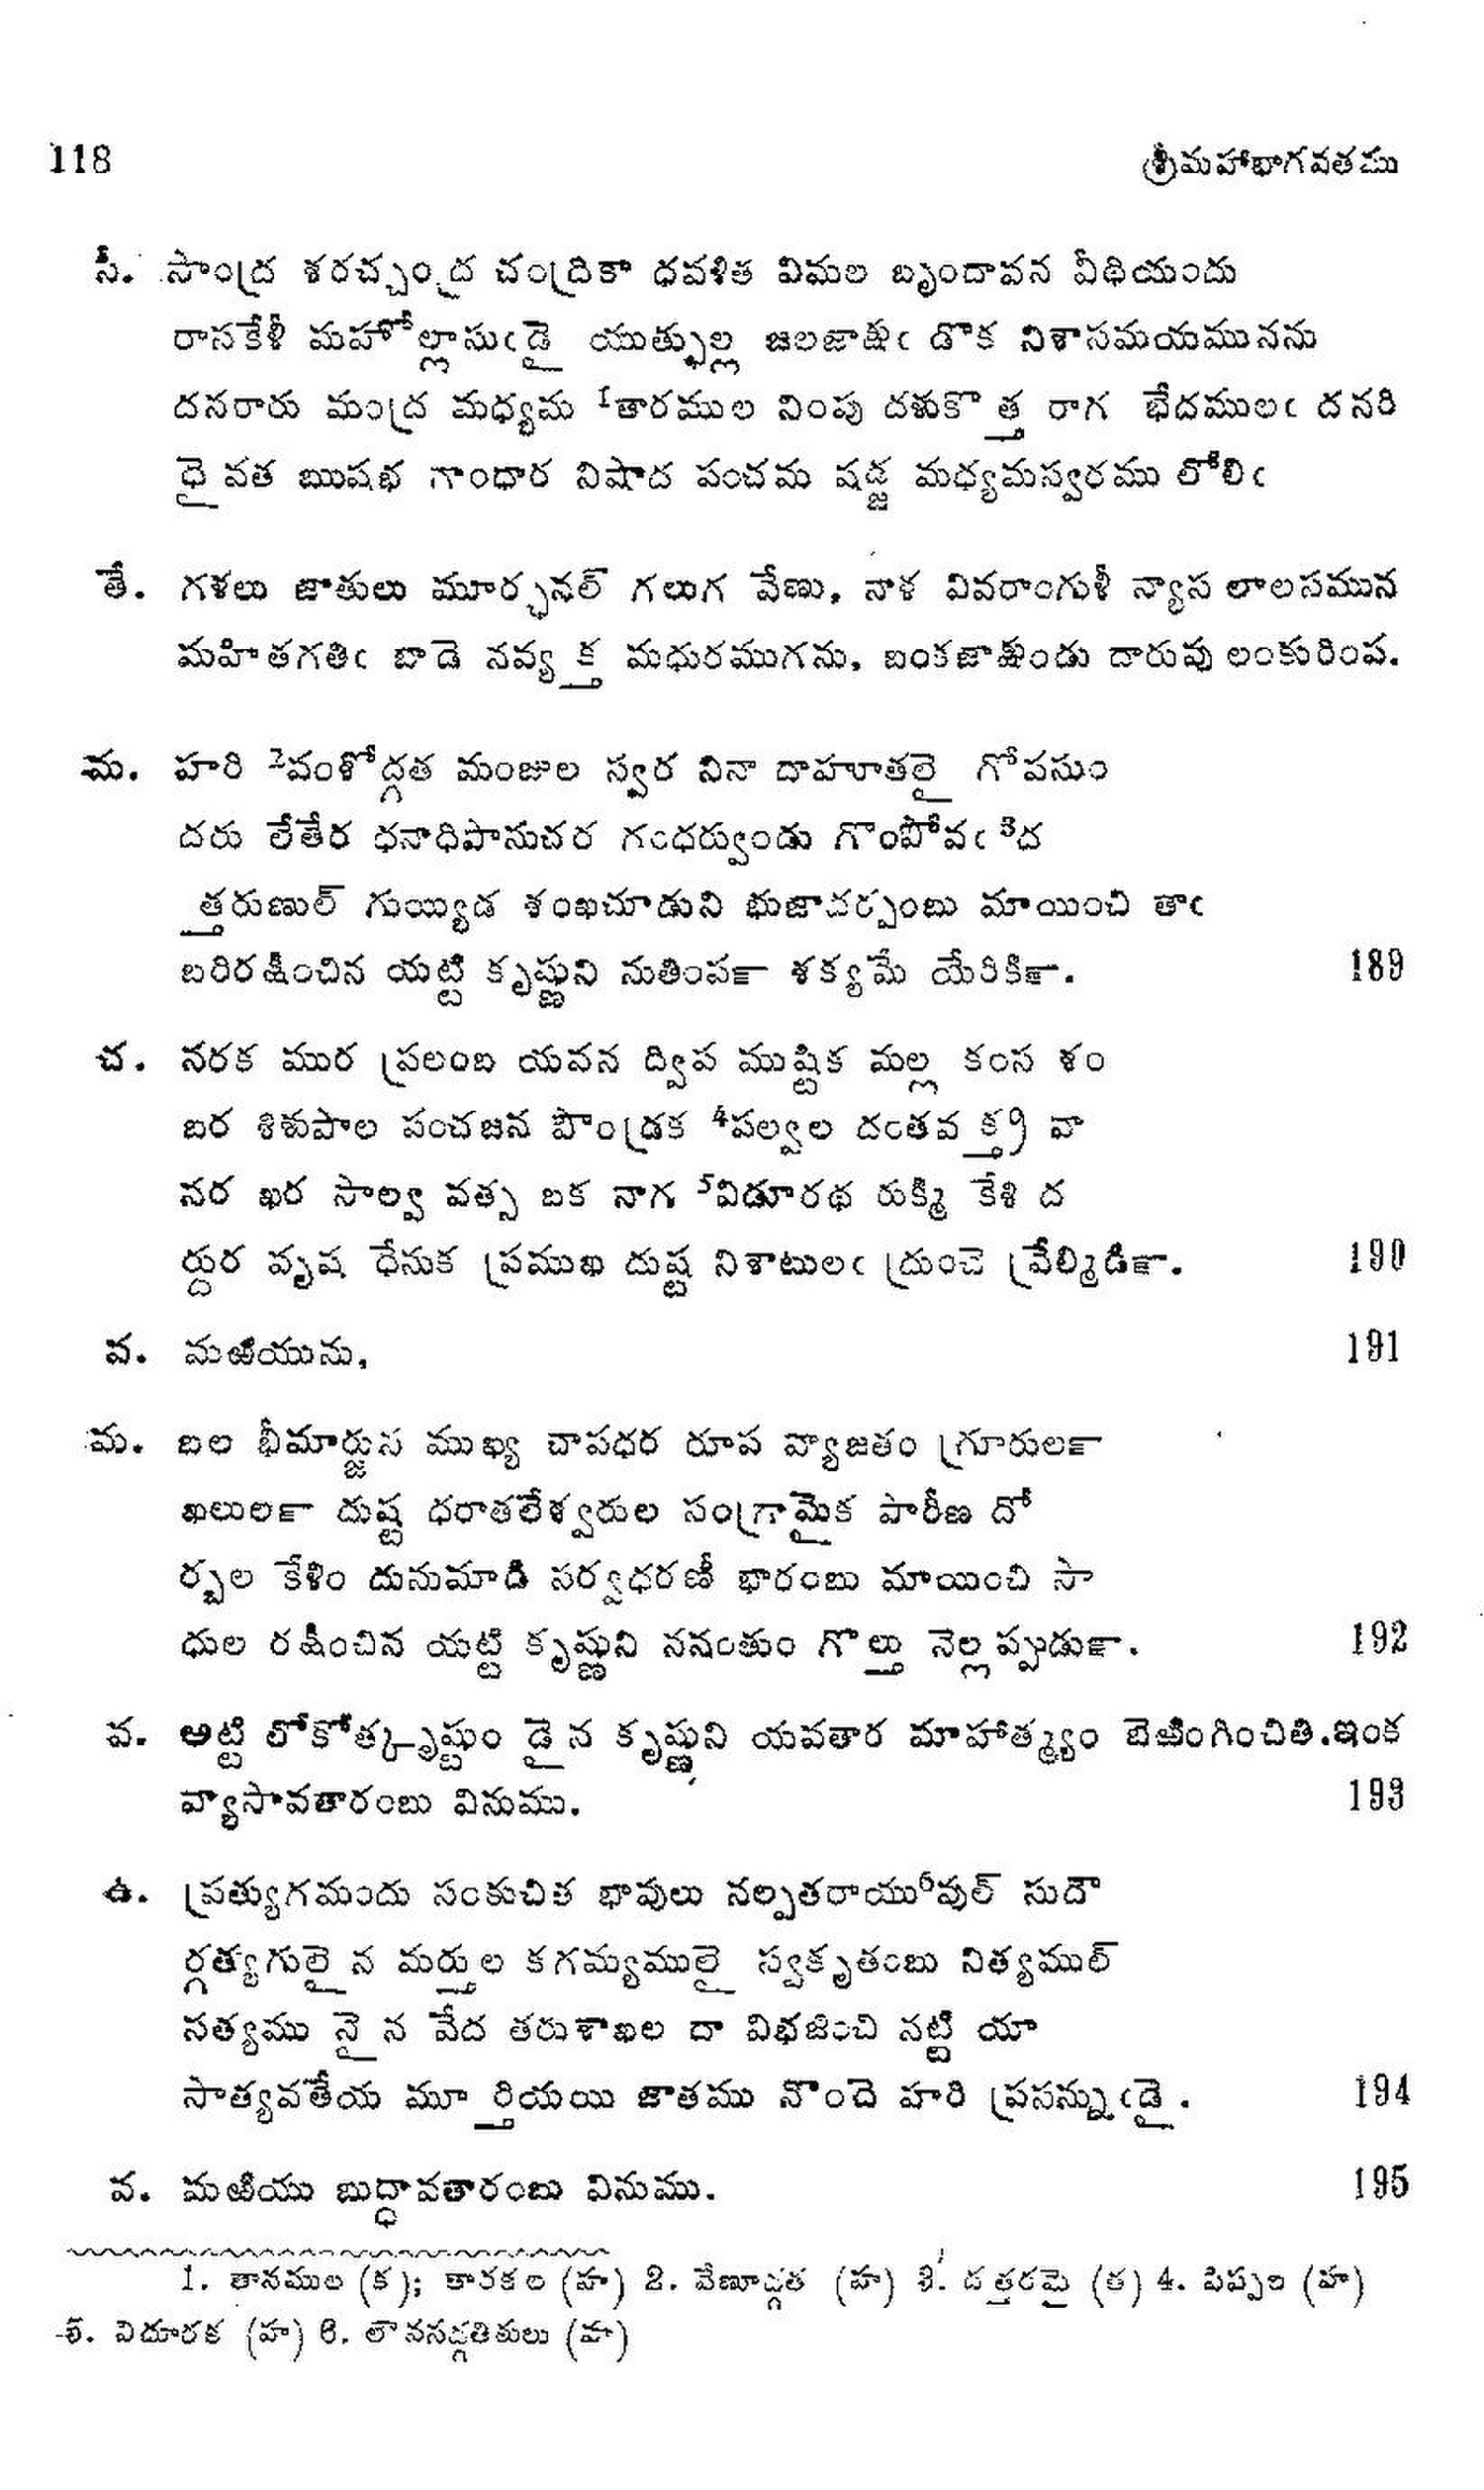118

సీ. సాంద్ర శరచ్చంద్ర చంద్రికా ధవళిత విమల బృందావన వీథియందు

రాసకేళీ మహోల్లాసుఁడై యుత్ఫుల్ల జలజాక్షుఁ డొక నిశాసమయమునను

దనరారు మంద్ర మధ్యమ తారముల నింపు దళుకొత్త రాగ భేదములఁ దనరి

ధైవత ఋషభ గాంధార నిషాద పంచమ షడ్జ మధ్యమస్వరము లోలిఁ

తే. గళలు జాతులు మూర్ఛనల్ గలుగ వేణు, నాళ వివరాంగుళీ న్యాస లాలనమున

మహితగతిఁ బాడె నవ్యక్త మధురముగను, బంక జాక్షుండు దారువు లంకురింప. ( 188 )

మ. హరి వంశోద్గత మంజుల స్వర నినా దాహూతలై గోపసుం

దరు లేతేర ధనాధిపానుచర గంధర్వుండు గొంపోవఁ ద

త్తరుణుల్ గుయ్యిడ శంఖచూడుని భుజాదర్పంబు మాయించి తాఁ

బరిరక్షించిన యట్టి కృష్ణుని నుతింపన్ శక్యమే యేరికిన్. ( 189 )

చ. నరక ముర ప్రలంబ యవన ద్విప ముష్టిక మల్ల కంస శం

బర శిశుపాల పంచజన పౌండ్రక పల్వల దంతవక్తృ వా

నర ఖర సాల్వ వత్స బక నాగ విడూరథ రుక్మి కేశి ద 

ర్దుర వృష ధేనుక ప్రముఖ దుష్ట నిశాటులఁ ద్రుంచె వ్రేల్మిడిన్. ( 190 )

వ. మఱియును, ( 191 )

మ. బల భీమార్జున ముఖ్య చాపధర రూప వ్యాజతం గ్రూరులన్

ఖలులన్ దుష్ట ధరాతలేశ్వరుల సంగ్రామైక పారీణ దో

ర్బల కేళీం దునుమాడి సర్వధరణీ భారంబు మాయించి సా

ధుల రక్షించిన యట్టి కృష్ణుని ననంతుం గొల్తు నెల్లప్పుడున్. ( 192 )

వ. అట్టి లోకోత్కష్డుం డైన కృష్ణుని యవతార మహాత్మ్యం బెఱింగించితి. ఇంక వ్యాసావతారంబు వినుము. ( 193 )

ఉ. ప్రత్యుగమందు సంకుచిత భావులు నల్పతరాయువుల్ సుదౌ

ర్గత్యగులైన మర్త్యుల కగమ్యములై స్వకృతంబు నిత్యముల్

సత్యము నైన వేద తరుశాఖల దా విభజించి నట్టి యా

సాత్యవతేయ మూర్తియయిజాతము నొందె హరి ప్రసన్నుఁడై. ( 194 )

వ. మఱియు బుద్ధావతారంబు వినుము. ( 195 )